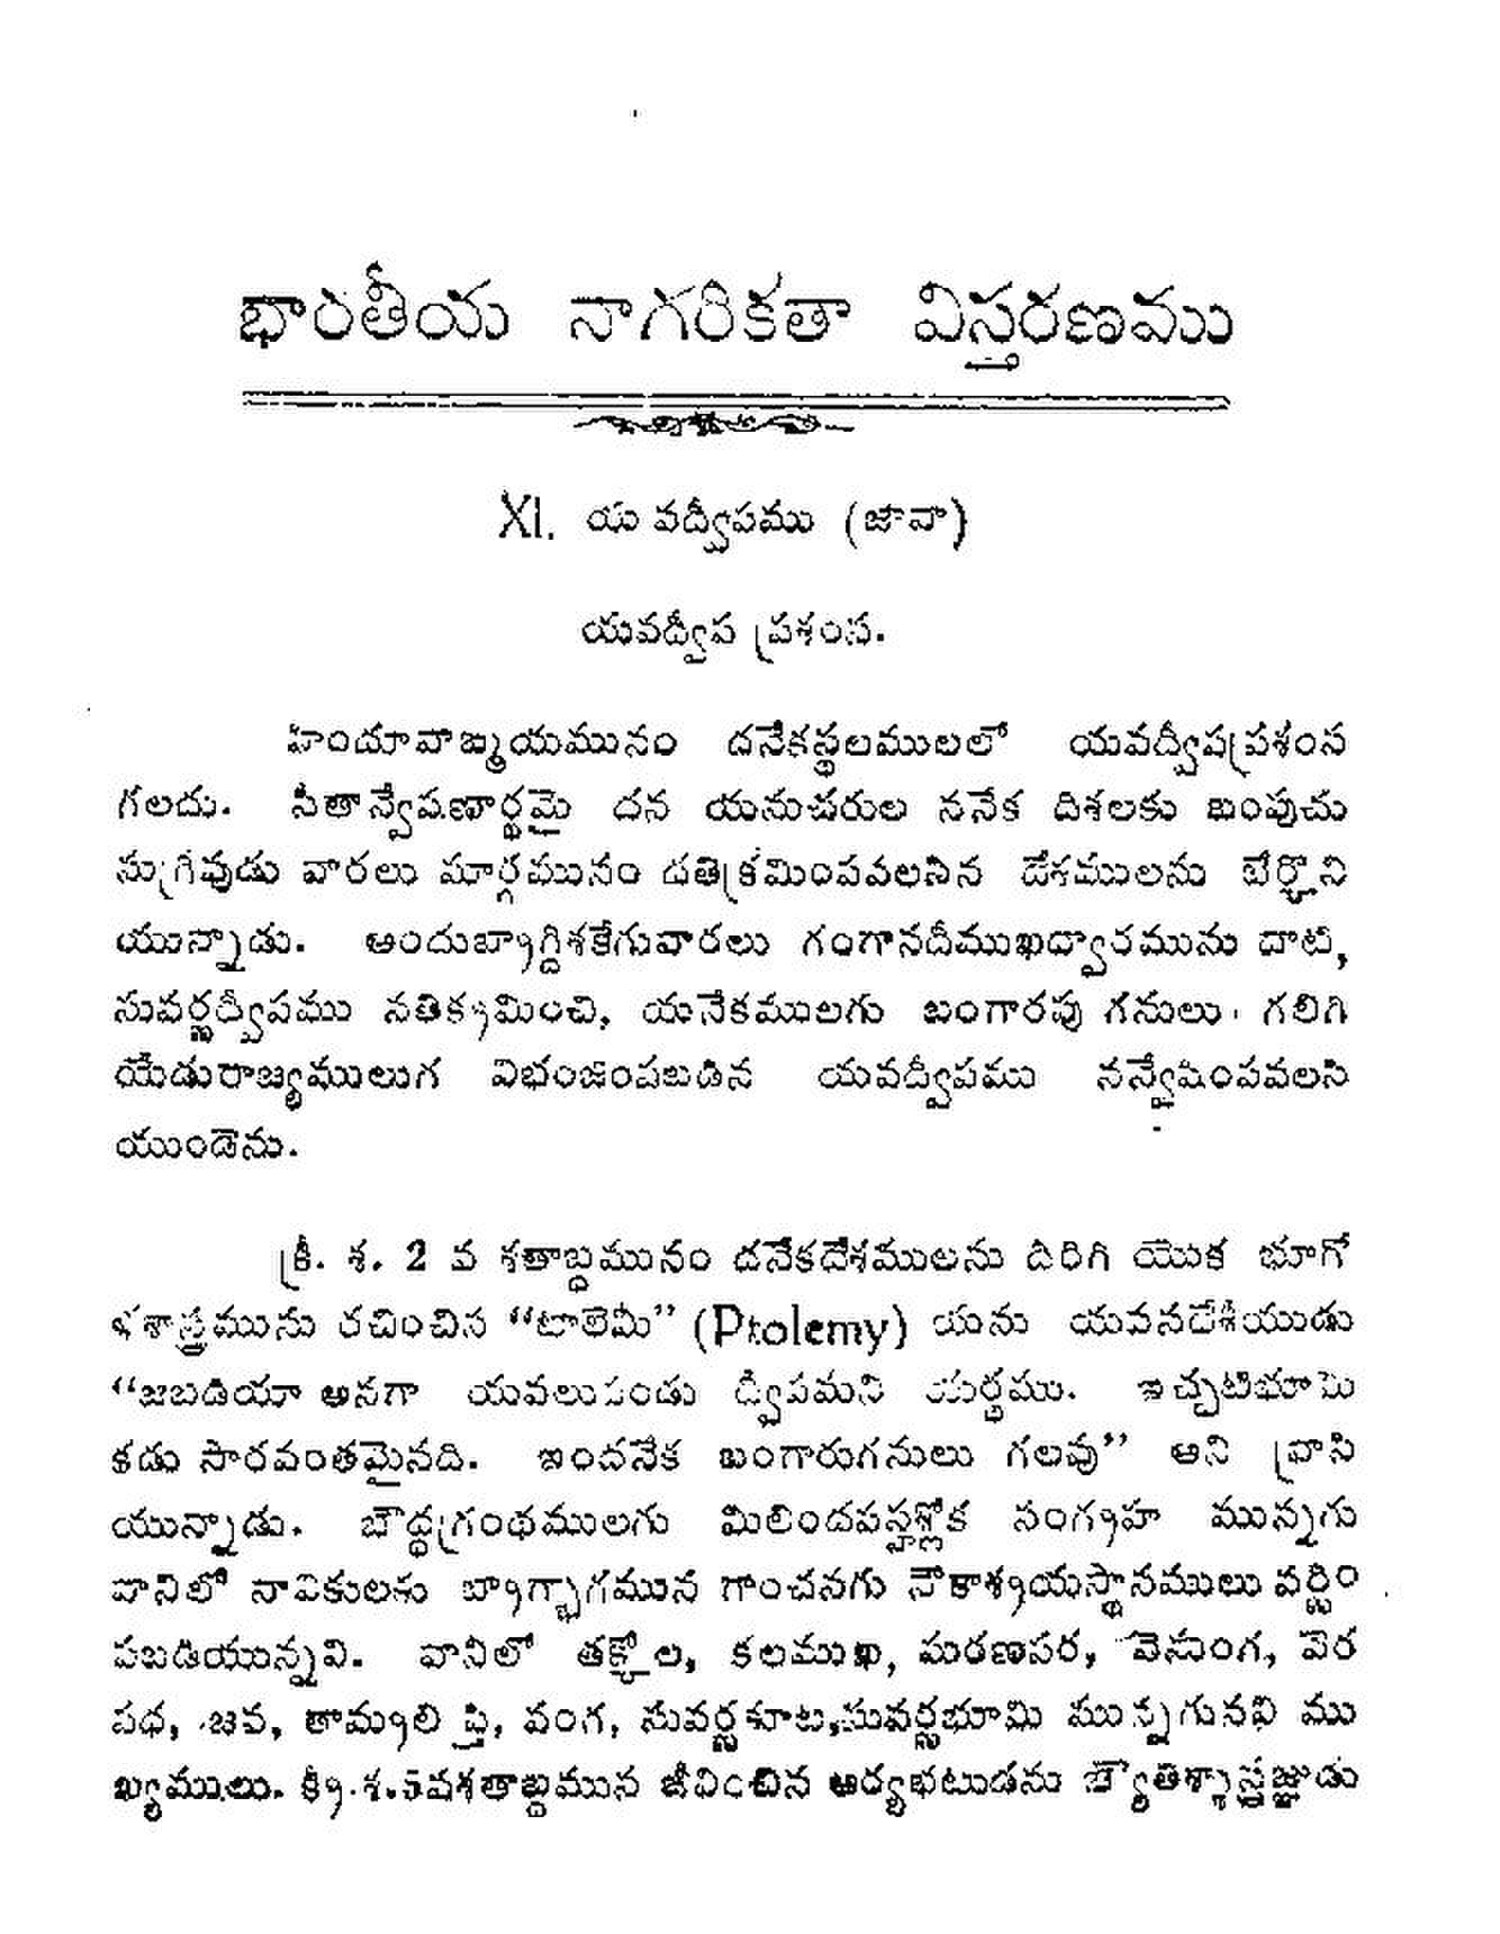హిందూవాఙ్మయమునం దనేకస్థలములలో యవద్వీపప్రశంస గలదు. సీతాన్వేషణార్థమై దన యనుచరుల ననేక దిశలకు బంపుచు సుగ్రీవుడు వారలు మార్గమునం దతిక్రమింపవలసిన దేశములను బేర్కొని యున్నాడు. అందుబ్రాగ్దిశకేగువారలు గంగానదీముఖద్వారమును దాటి, సువర్ణద్వీపము నతిక్రమించి, యనేకములగు బంగారపు గనులు గలిగి యేడు రాజ్యములుగ విభజింపబడిన యవద్వీపము నన్వేషింపవలసి యుండెను.

క్రీ. శ. 2 వ శతాబ్దమునం దనేకదేశములను దిరిగి యొక భూగోళశాస్త్రమును రచించిన "టాలెమీ" (Ptolemy) యను యవనదేశీయుడు "జబడియా అనగా యవలుపండు ద్వీపమని యర్థము. ఇచ్చటిభూమి కడు సారవంతమైనది. ఇందనేక బంగారుగనులు గలవు" అని వ్రాసియున్నాడు. బౌద్దగ్రంథములగు మిలిందపన్హశ్లోక సంగ్రహ మున్నగు వానిలో నావికులకు బ్రాగ్భాగమున గాంచనగు నౌకాశ్రయస్థానములు వర్ణింపబడియున్నవి. వానిలో తక్కోల, కలముఖ, మరణపర, వెనుంగ, వెరపధ, జవ, తామ్రలిప్తి, వంగ, సువర్ణకూట, సువర్ణభూమి మున్నగునవి ముఖ్యములు. క్రీ. శ 5 వ శతాబ్దమున జీవించిన ఆర్యభటుడను జ్యౌతిశ్శాస్త్రజ్ఞుడు